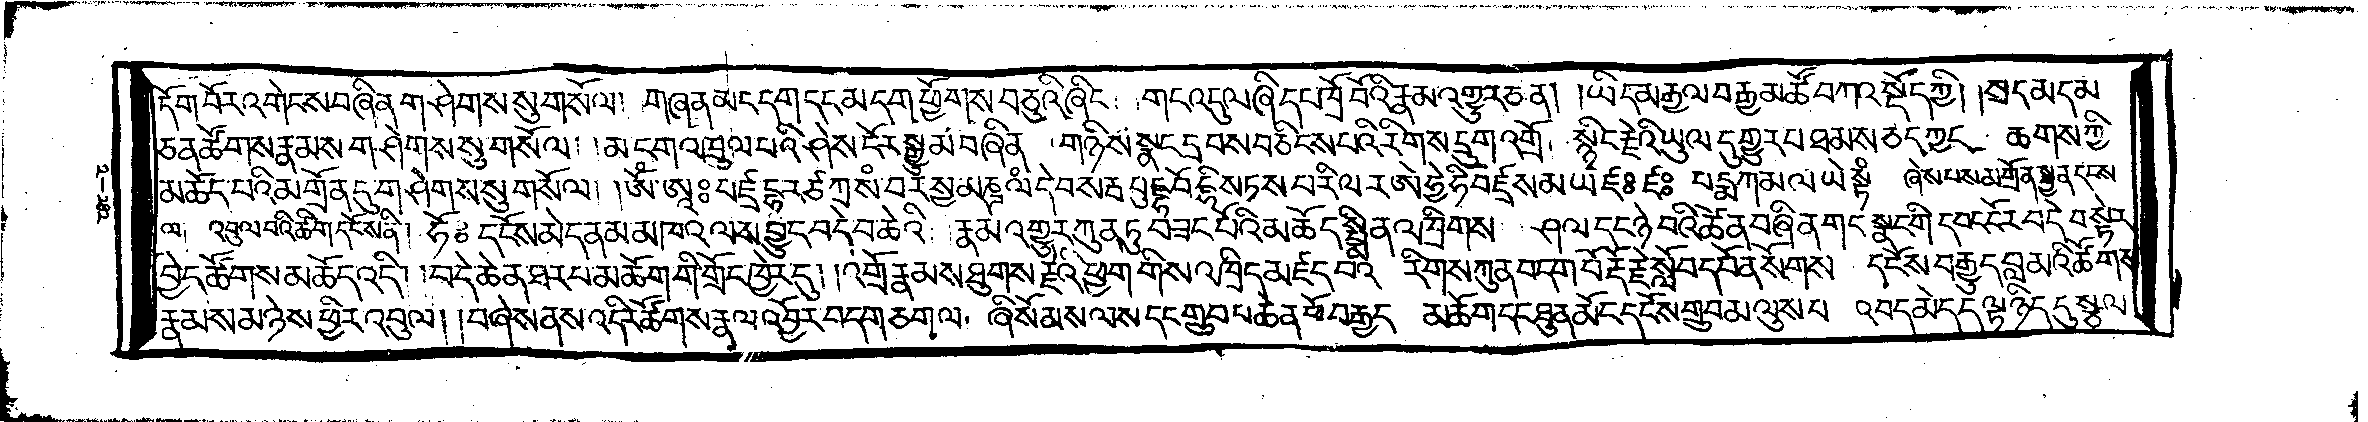དོག་བོར་འགེངས་བཞིན་གཤེགས་སུ་གསོལ། གཞན་མང་དག་དང་མདག་ཕྱོགས་བཅུའི་ཞིང་གང་འདུལ་ཞི་དང་ཁྲོ་བོའི་རྣམ་འགྱུར་ཅན། །ཡིད་མ་རྒྱལ་བརྒྱ་མཚོ་བཀའ་སྡོད་ཀྱི། །སྲད་མདམ་
ཅན་ཚོགས་རྣམས་གཤེགས་སུ་གསོལ། །མངའ་འཁྲུལ་པའི་ཤེས་དོར་སྒྱུ་མ་བཞིན་གཉིས་སྣང་དྲ་བས་བཅིངས་པའི་རིགས་དྲུག་འགྲོ། སྙིང་རྗེའི་ཡུལ་དུ་གྱུར་པ་ཐམས་ཅད་ཀྱང་ཆགས་ཀྱི་
མཆོད་པའི་མགྲོན་དུ་གཤེགས་སུ་གསོལ། །ཨོཾ་ཨཱཿ བཛྲ་དྷར་ཙ་ཀྲ་སཾ་བར་སྱ་མཎྜ་ལཾ་དེབ་སརྦ་བུདྡྷ་དྡྷ་བོ་དྷི་སཏས་བ་རིལ་ར་ཨེ་ཧྱེ་ཧི་བཛྲ་ས་མ་ཡ་ཛཿ ཛཿ པདམ་ཀ་མ་ལ་ཡེ་སྟཾ་ཞེས་པས་མགྲོན་སྤྱན་དངས་
ལ། འབུལ་བའི་ཚིག་དངོས་ནི། ཧོཿ དངོས་མེད་ནམ་མཁའ་ལས་བྱུང་བདེ་བ་ཆེའི། །རྣམ་འགྱུར་ཀུན་ཏུ་བཟང་པོའི་མཆོད་སྤྨིན་འཁྲིགས་ཤལ་དང་ཉེ་བའི་ཚེན་བཞིན་གང་སྣང་གི་དབང་ངོར་བདེ་བསྟེར་
བྱེད་ཚོགས་མཆོད་འདི། །བདེ་ཆེན་ཐར་པ་མཆོག་གི་གྲོང་ཁྱེར་དུ། །འགྲོ་རྣམས་ཐུགས་རྗེའི་ཕྱག་གིས་འཁྲིད་མཛད་པའི་རིགས་ཀུན་བདག་པོ་རྡོ་རྗེ་སློབ་དཔོན་སོགས་དངོས་བརྒྱུད་བླ་མའི་ཚོགས་
རྣམས་མཉེས་ཕྱིར་འབུལ། །བཞེས་ནས་འདིར་ཚོགས་རྣལ་འབྱོར་བདག་ཅག་ལ། ཞི་སོམས་ལས་དང་གྲུབ་པ་ཆེན་པོ་བརྒྱད་མཆོག་དང་ཐུན་མོང་དངོས་གྲུབ་མ་ལུས་པ་འབད་མེད་ད་ལྟ་ཉིད་དུ་སྩལ་